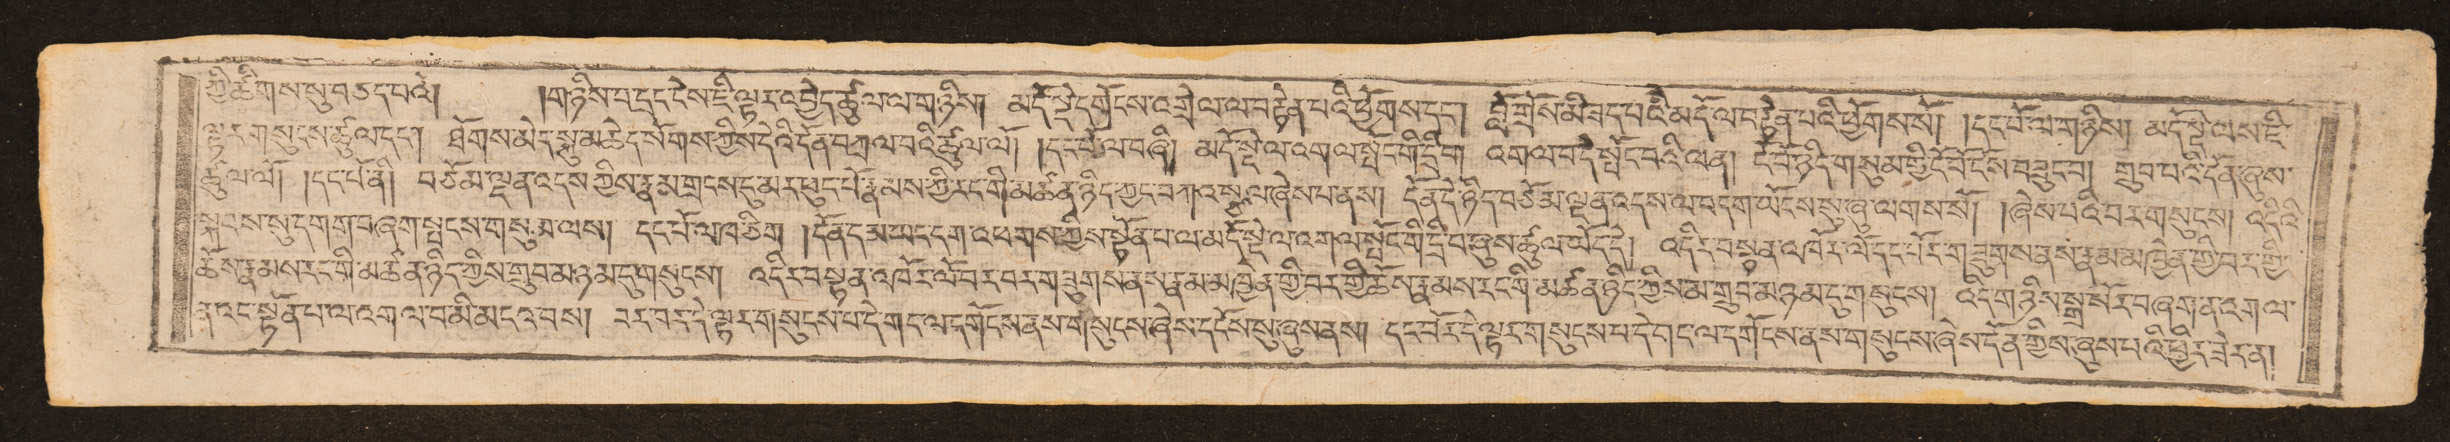ཀྱི་ཚིགས་སུ་བཅད་པའོ། །གཉིས་པ་དྲང་ངེས་ཇི་ལྟར་འབྱེད་ཚུལ་ལ་གཉིས། མདོ་སྡེ་དགོངས་འགྲེལ་ལ་བརྟེན་པའི་ཕྱོགས་དང་། བློ་གྲོས་མི་ཟད་པའི་མདོ་ལ་བརྟེན་པའི་ཕྱོགས་སོ། །དང་པོ་ལ་གཉིས། མདོ་སྡེ་ལས་ཇི་
ལྟར་གསུངས་ཚུལ་དང་། ཐོགས་མེད་སྐུ་མཆེད་སོགས་ཀྱིས་དེའི་དོན་བཀྲལ་བའི་ཚུལ་ལོ། །དང་པོ་ལ་བཞི། མདོ་སྡེ་ལ་འགལ་སྤོང་གི་དྲི་བ། འགལ་བ་དེ་སྤོང་བའི་ལན། ངོ་བོ་ཉིད་གསུམ་གྱི་ངོ་བོ་ངོས་བཟུང་བ། གྲུབ་པའི་དོན་ཞུས་
ཚུལ་ལོ། །དང་པོ་ནི། བཅོམ་ལྡན་འདས་ཀྱིས་རྣམ་གྲངས་དུ་མར་ཕུང་པོ་རྣམས་ཀྱི་རང་གི་མཚན་ཉིད་ཀྱང་བཀའ་སྩལ་ཞེས་པ་ནས། དོན་དེ་ཉིད་བཅོམ་ལྡན་འདས་ལ་བདག་ཡོངས་སུ་ཞུ་ལགས་སོ། །ཞེས་པའི་པར་གསུངས། འདིའི་
སྐབས་སུ་དགག་བཞག་སྤངས་གསུམ་ལས། དང་པོ་ལ་ཁ་ཅིག །དོན་དམ་ཡང་དག་འཕགས་ཀྱིས་སྟོན་པ་ལ་མདོ་སྡེ་ལ་འགལ་སྤོང་གི་དྲི་བ་ཞུས་ཚུལ་ཡོད་དེ། འདིར་བསྟན་འཁོར་ལོ་དང་པོར་གཟུགས་ནས་རྣམ་མཁྱེན་གྱི་བར་གྱི་
ཆོས་རྣམས་རང་གི་མཚན་ཉིད་ཀྱིས་གྲུབ་མཉམ་དུ་གསུངས། འདིར་བསྟན་འཁོར་ལོ་བར་བར་གཟུགས་ནས་རྣམ་མཁྱེན་གྱི་བར་གྱི་ཆོས་རྣམས་རང་གི་མཚན་ཉིད་ཀྱིས་མ་གྲུབ་མཉམ་དུ་གསུངས། འདི་གཉིས་སྒྲ་སོར་བཞག་ན་འགལ་
ནའང་སྟོན་པ་ལ་འགལ་བ་མི་མངའ་བས། བར་བར་དེ་ལྟར་གསུངས་པ་དེ་གང་ལ་དགོངས་ནས་གསུངས་ཞེས་དངོས་སུ་ཞུས་ནས། དང་པོར་དེ་ལྟར་གསུངས་པ་དེ་གང་ལ་དགོངས་ནས་གསུངས་ཞེས་དོན་གྱིས་ཞུས་པའི་ཕྱིར་ཟེར་ན།